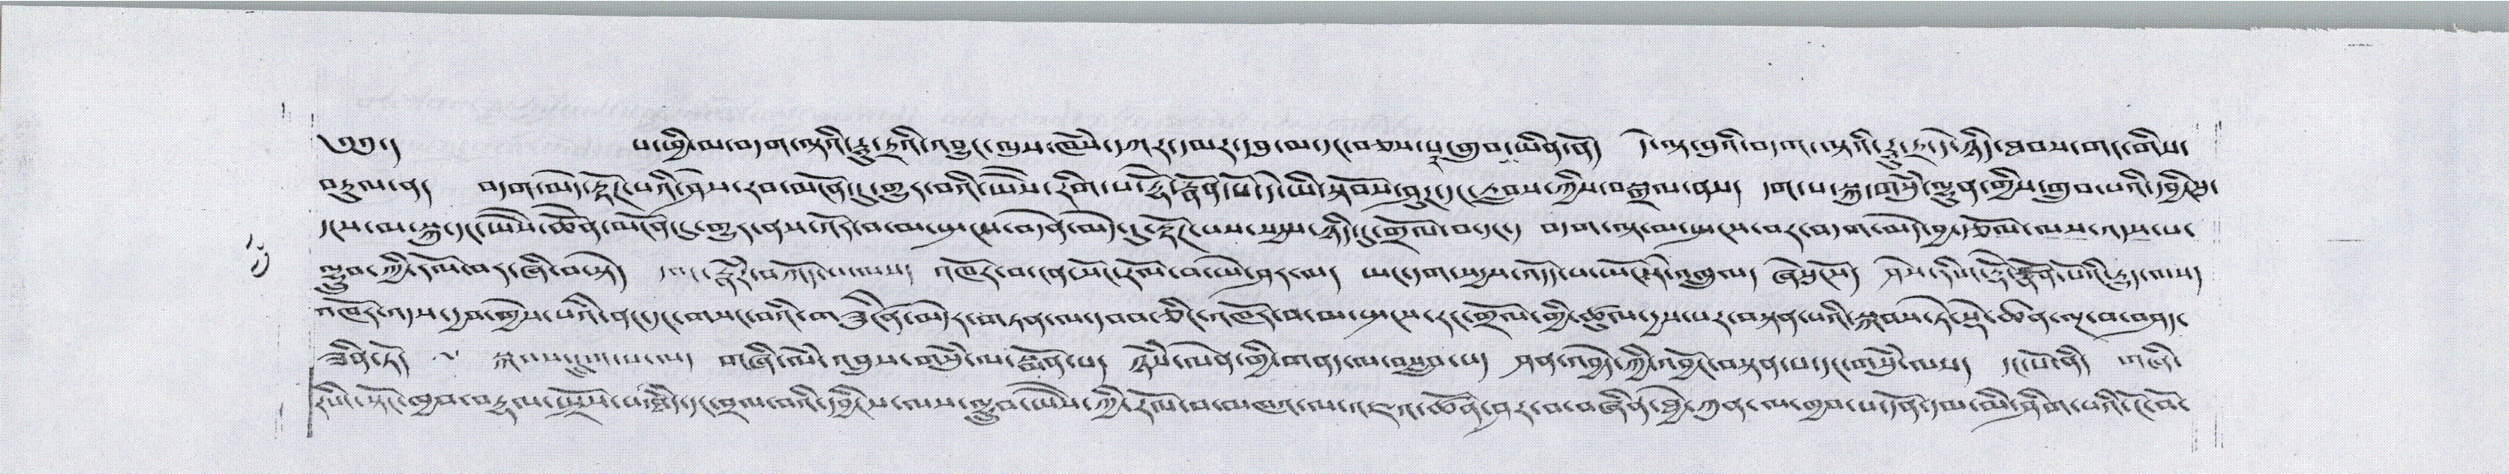པ་ཕྱི་མ་བདག་ལྟའི་རུ་ཏྲའི་འབྱུང་ལུས་ཁམས་དཀར་དམར་དབུ་མ་དང་བཅས་པར་གྲུབ་པ་ཡིན་ནོ། དེ་ལྟ་བུའི་བདག་ལྟའི་རུ་ཏྲ་དེ་ཉིད་ཐབས་གང་གིས་
བཏུལ་ན། བདག་མེད་རྟོགས་པའི་ཤེས་རབ་མངོན་དུ་གྱུར་བའི་ཡེ་ཤེས་རིག་པ་རྡོ་རྗེ་རྣོན་པོ་དེ་ཡི་སྟོབས་ཤུགས་དང་རླབས་ཀྱིས་བསྒྲལ་ནས། དག་པ་སྐུ་གསུམ་ལྷུན་གྱིས་གྲུབ་པའི་དབྱིངས་སུ་
དངས་མ་སྐུ་དང་ཡེ་ཤེས་ཆེན་པོ་མངོན་དུ་གྱུར་ནས་འཁོར་བ་མ་སྤངས་བདེན་མེད་དུ་རྟོགས་པས་སངས་རྒྱས་ཉིད་དུ་གྲོལ་བ་དང། བདག་ལྟ་མ་སྤངས་པར་བདག་མེད་བྱ་རྩོལ་ལས་འདས་པ་
ལྷུན་གྲུབ་ཀྱི་དོལ་བར་ཞི་བ་སྟེ། དབང་རྣམ་པར་བཀོད་པ་ལས། འཁོར་བ་ངན་སོང་རོལ་བ་ཡེ་ཤར་ལ། ཡང་དག་སངས་རྒྱས་འདོད་པ་ཡོང་རེ་འཁྲུལ། ཞེས་གསུངས་སོ། ཤེས་རིག་རྡོ་རྗེ་རྣོན་པོའི་རྒྱུད་ལས། 
འཁོར་འདས་རྒྱབ་གྱེས་པའི་ནང་དང་གསང་བའི་གཟུང་འཛིན་མེད་པར་གཏན་ལ་དབབ་ཅིང་འཁོར་བ་མ་སྤངས་རང་གྲོལ་གྱི་ཚུལ་རྒྱས་པར་བསྟན་པའི་སྐབས་ཏེ་སྡེ་ཚན་ལྔ་པ་བཤད་
ཟིན་ཏོ། ༧ སྐབས་དྲུག་པ་ལ། གཞི་ལམ་འབྲས་བུ་གསུམ་ལ་སྨོན་པ། ཉམས་ལེན་གྱི་གནད་ལ་བསླབ་པ། ཤན་འབྱེད་ཀྱི་འབྱོང་བསྟན་པ་དང་གསུམ་ལས། དང་པོ་ནི། གཞི་
རིག་སྟོང་ཁྱབ་བརྡལ་སྤྲོས་པ་ཐམས་ཅད་དང་བྲལ་བའི་དབྱིངས་ལས་ལྷུན་གྲུབ་ཡེ་ཤེས་ཀྱི་རོལ་པ་མཁའ་ལ་འཇའ་ཚོན་ཤར་བ་བཞིན་ཐུགས་རྗེ་ཀུན་ལ་ཁྱབ་པ་དོན་དམ་མི་ཤིག་པའི་ངོ་བོ་